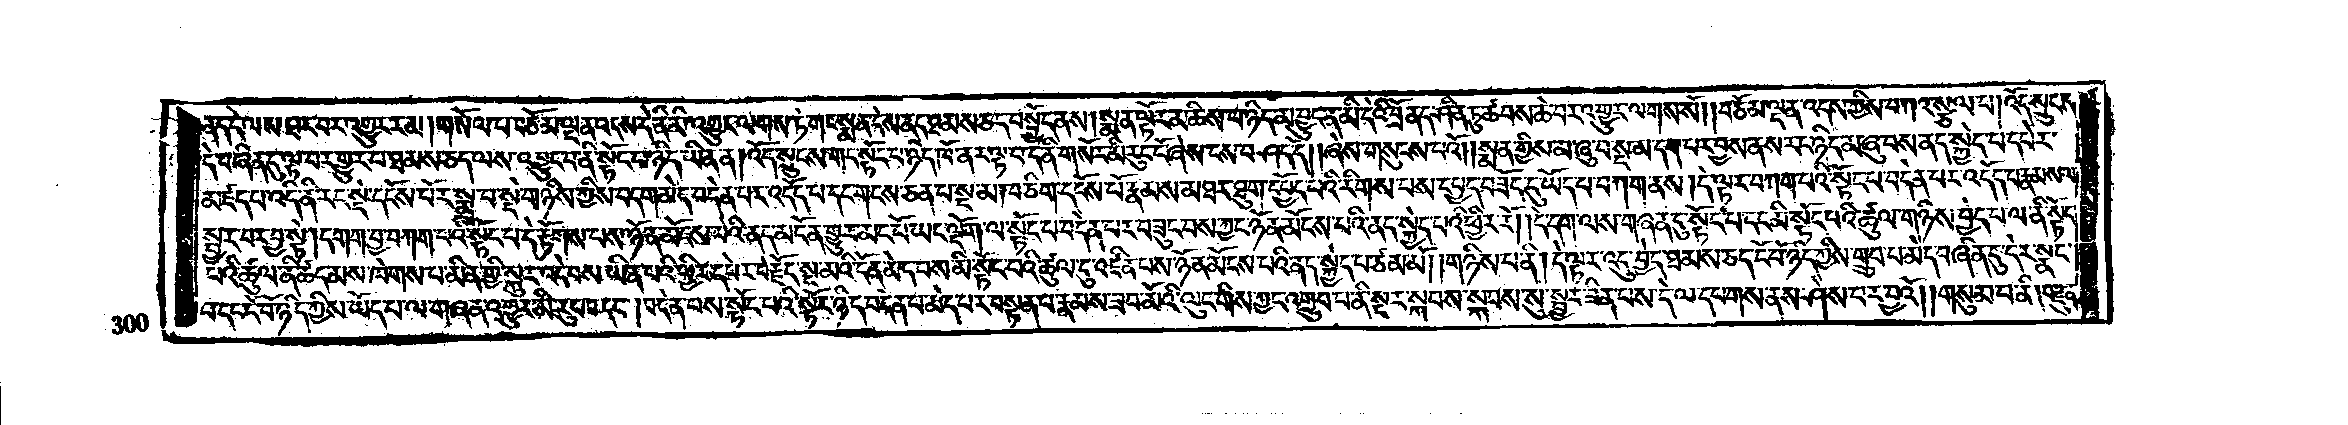ནད་དེ་ལས་ཐར་བར་འགྱུར་རམ། གསོལ་བ་བཅོམ་ལྡན་འདས་དེ་ནི་མི་འགྱུར་ལགས་ཏེ་གང་སྨན་དེས་ནད་ཐམས་ཅད་བསྐྱོད་ནས། སྨན་ལྟོར་མཆིས་པ་ཉིད་མ་བྱུང་ན་མི་དེའི་བྲོ་ནད་ཤིན་ཏུ་ཚབས་ཆེ་བར་འགྱུར་ལགས་སོ། །བཅོམ་ལྡན་འདས་ཀྱིས་བཀའ་སྩལ་པ། འོད་སྲུངས་
དེ་བཞིན་དུ་ལྟ་བར་གྱུར་པ་ཐམས་ཅད་ལས་འབྱུང་བ་ནི་སྟོང་པ་ཉིད་ཡིན་ན། འོད་སྲུངས་གང་སྟོང་པ་ཉིད་ཁོ་ནར་ལྟ་བ་དེ་ནི་གསོར་མི་རུང་ངོ་ཞེས་ངས་བཤད་དོ། །ཞེས་གསུངས་པའོ། །སྨན་གྱིས་མ་ཞུ་བ་སྔ་མ་དག་པར་བྱས་ནས་རང་ཉིད་མ་ཞུ་བས་ནད་སྐྱེད་པ་དཔེར་
མཛད་པ་འདི་ནི་རང་སྡེ་དངོས་པོར་སྨྲ་བ་སྡེ་གཉིས་ཀྱིས་བདག་མེད་བདེན་པར་འདོད་པ་དང་གངས་ཅན་པ་སྔ་མ་ཁ་ཅིག་དངོས་པོ་རྣམས་མཐར་ཐུག་དཔྱོད་པའི་རིགས་པས་དཔྱད་བཟོད་དུ་ཡོད་པ་བཀག་ནས། དེ་ལྟར་བཀག་པའི་སྟོང་པ་བདེན་པར་འདོད་པ་རྣམས་ལ་
སྦྱར་པར་བྱ་སྟེ། དགག་བྱ་བཀག་པའི་སྟོང་པ་དེ་རྟོགས་པས་ཉོན་མོངས་པའི་ནད་མངོན་གྱུར་མང་པོ་ཡང་ལྡོག་ལ་སྟོང་པ་བདེན་པར་བཟུང་བས་ཀྱང་ཉོན་མོངས་པའི་ནད་སྐྱེད་པའི་ཕྱིར་རོ། དེ་དག་ལས་གཞན་དུ་སྟོང་པ་དང་མི་སྟོང་པའི་ཚུལ་གཉིས་བྱེད་པ་ལ་ནི་སྟོང་
པའི་ཚུལ་ནི་ཚད་མས་ཁེགས་པ་མིན་གྱི་སྐུར་འདེབས་ཡིན་པའི་ཕྱིར་དཔེར་བརྗོད་སྔ་མའི་དོན་མེད་པས་མི་སྟོང་པའི་ཚུལ་དུ་འཛིན་པས་མཉོན་མོངས་པའི་ནད་སྐྱེད་པ་ཙམ་མོ། །གཉིས་པ་ནི། དེ་ལྟར་འདུ་བྱེད་ཐམས་ཅད་ངོ་བོ་ཉིད་ཀྱིས་གྲུབ་པ་མེད་བཞིན་དུ་ངེར་སྣང་
བ་དང་ངོ་བོ་ཉིད་ཀྱིས་ཡོད་པ་ལ་གཞན་འགྱུར་མི་རུང་བ་དང་། བདེན་པས་སྟོང་པའི་སྟོང་ཉིད་བདེན་པ་མེད་པར་བསྟན་པ་རྣམས་ཟབ་མོའི་ལུང་གིས་ཀྱང་འགྲུབ་པ་ནི་སྔར་སྐབས་སྐབས་སུ་སྦྱར་ཟིན་པས་དེ་ལ་དཔགས་ནས་ཤེས་པར་བྱའོ། །གསུམ་པ་ནི། བརྫུན་